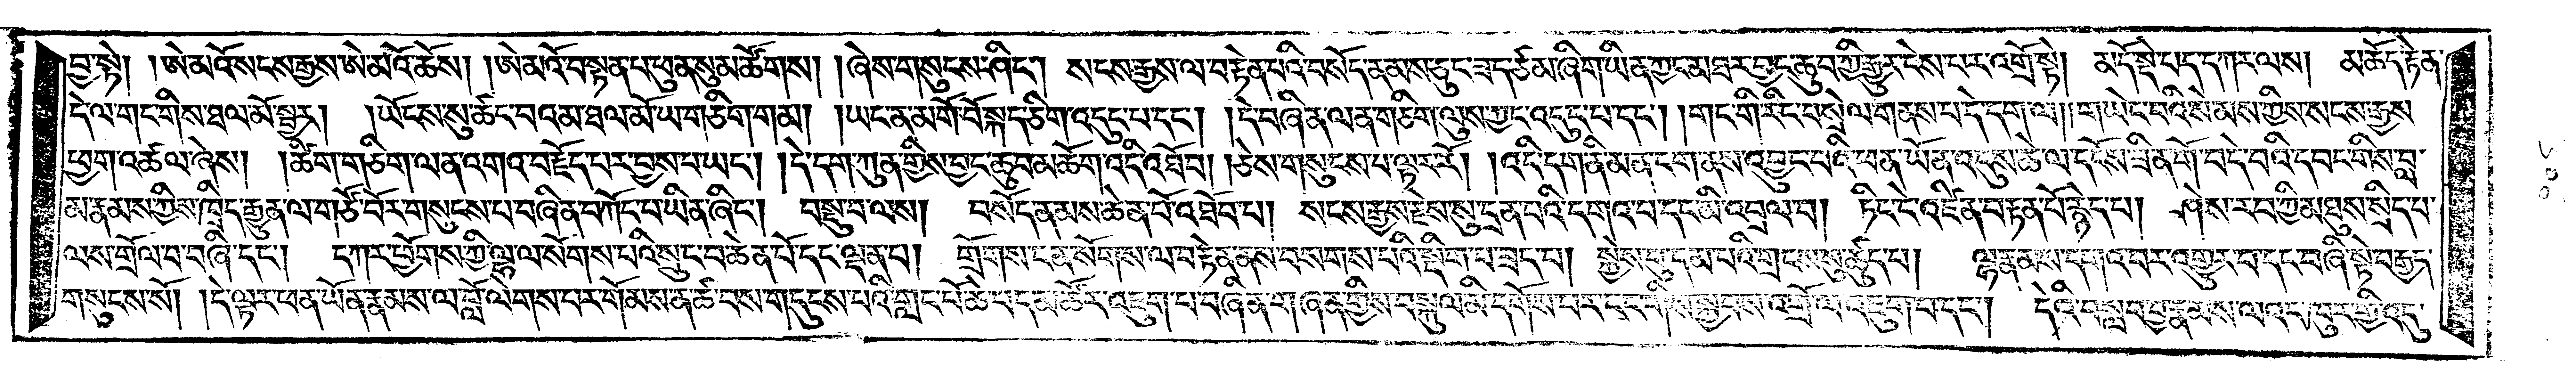བྱ་སྟེ། །ཨེ་མའོ་སངས་རྒྱས་ཨེ་མའོ་ཆོས། །ཨེ་མའོ་བསྟན་པ་ཕུན་སུམ་ཚོགས། །ཞེས་གསུངས་ཤིང་། སངས་རྒྱས་ལ་བརྟེན་བའི་བསོད་ནམས་ཅུང་ཟད་ཙམ་ཞིག་ཡིན་ཀྱང་མཐར་བྱང་ཆུབ་ཀྱི་རྒྱུར་ངེས་པར་འགྲོ་སྟེ། མདོ་སྡེ་པད་དཀར་ལས། མཆོད་རྟེན་
དེ་ལ་གང་གིས་ཐལ་མོ་སྦྱར། །ཡོངས་སུ་ཚང་བའམ་ཐལ་མོ་ཡ་གཅིག་གམ། །ཡང་ན་མགོ་བོ་སྐད་ཅིག་འདུད་པ་དང་། །དེ་བཞིན་ལན་གཅིག་ལུས་ཀྱང་འདུད་པ་དང་། །གང་གི་རིང་བསྲེལ་གནས་པ་དེ་དག་ལ། །གཡེང་བའི་སེམས་ཀྱིས་སངས་རྒྱས་
ཕྱག་འཚལ་ཞེས། །ཚིག་གཅིག་ལན་འགའ་བརྗོད་པར་བྱས་པ་ཡང་། །དེ་དག་ཀུན་གྱིས་བྱང་ཆུབ་མཆོག་འདི་འཐོབ། །ཅེས་གསུངས་པ་ལྟར་རོ། །འདི་དག་ནི་མན་ངག་ནས་འབྱུང་བའི་ཕན་ཡོན་འདུས་ཆེ་ལ་དངོས་ཟིན་གོ་བདེ་བའི་དབང་གིས་བླ་
མ་རྣམས་ཀྱིས་ཁྲིད་རྒྱུན་ལ་གཙོ་བོར་གསུངས་པ་བཞིན་བཀོད་པ་ཡིན་ཞིང་། བསྡུ་བ་ལས། བསོད་ནམས་ཆེན་པོ་འཐོབ་པ། སངས་རྒྱས་རྗེས་སུ་དྲན་པའི་དགའ་བ་དང་མི་འབྲལ་བ། ཏིང་ངེ་འཛིན་བརྟན་པོ་རྙེད་པ། ཤེས་རབ་ཀྱི་མཐུས་སྲིད་པ་
ལས་གྲོལ་བ་བཞི་དང་། དཀར་ཕྱོགས་ཀྱི་ལྷ་ལ་སོགས་པའི་སྲུང་བ་ཆེན་པོ་དང་ལྡན་པ། གྲོགས་ངན་སོགས་ལ་བརྟེན་ནས་བསགས་པའི་སྡིག་པ་ཟད་པ། སྐྱེས་བུ་དམ་པའི་གྲངས་སུ་ཚུད་པ། ལྷ་རྣམས་དགའ་བར་འགྱུར་བ་དང་བཞི་སྟེ་བརྒྱད་
གསུངས་སོ། །དེ་ལྟར་ཕན་ཡོན་རྣམས་ལ་བློ་ལེགས་པར་གོམས་ན་ཚ་བས་གདུངས་པའི་གླང་བོ་ཆེ་པད་མཚོར་འཇུག་པ་བཞིན་གཞན་གྱིས་བསྐུལ་མི་དགོས་པར་ངང་གིས་སྐྱབས་འགྲོ་ལ་འཇུག་པ་དང་། དེའི་བསླབ་བྱ་རྣམས་ལའང་ཁུར་གྱི་འདུ་